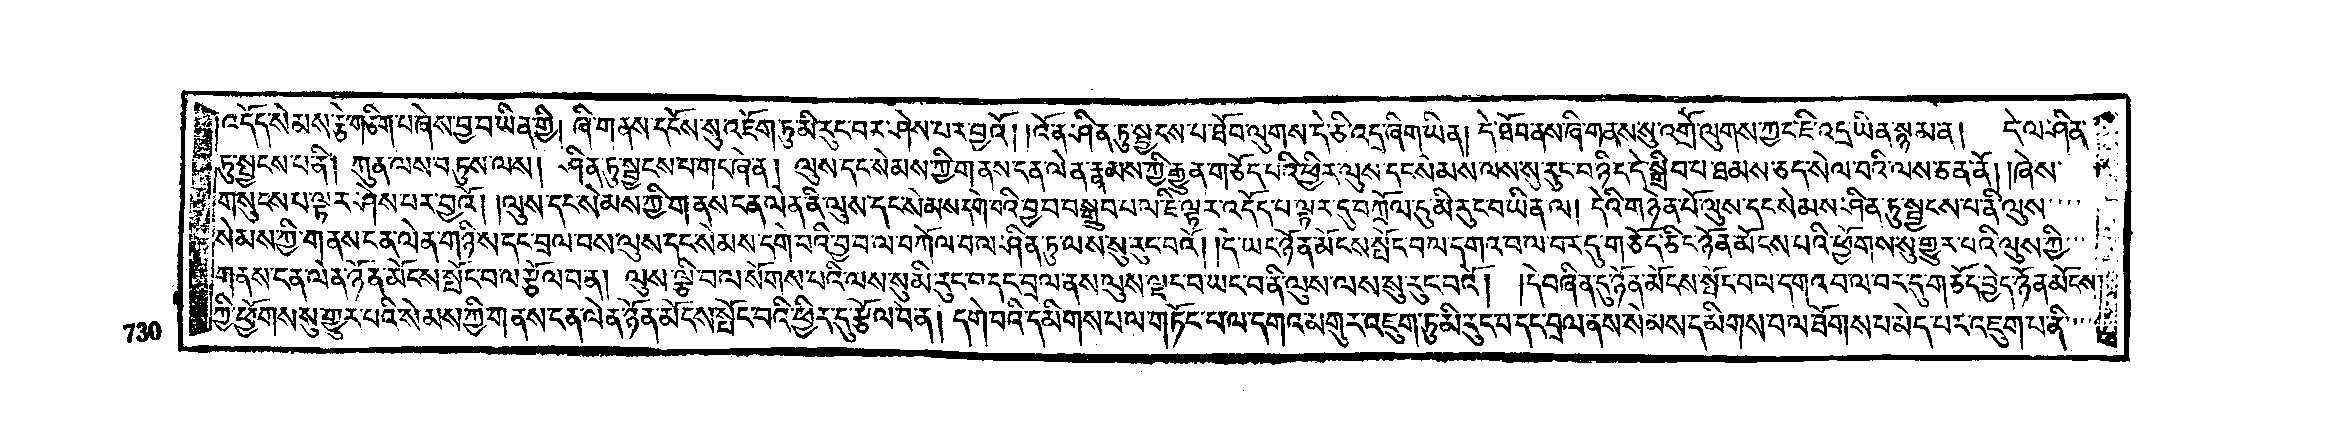འདོད་སེམས་རྩེ་གཅིག་པ་ཞེས་བྱ་བ་ཡིན་གྱི། ཞི་གནས་དངོས་སུ་འཇོག་ཏུ་མི་རུང་བར་ཤེས་པར་བྱའོ། །འོ་ན་ཤིན་ཏུ་སྦྱངས་པ་ཐོབ་ལུགས་དེ་ཅི་འདྲ་ཞིག་ཡིན། དེ་ཐོབ་ནས་ཞི་གནས་སུ་འགྲོ་ལུགས་ཀྱང་ཇི་འདྲ་ཡིན་སྙམ་ན། དེ་ལ་ཤིན་
ཏུ་སྦྱངས་པ་ནི། ཀུན་ལས་བཏུས་ལས། ཤིན་ཏུ་སྦྱངས་པ་གང་ཞེ་ན། ལུས་དང་སེམས་ཀྱི་གནས་ངན་ལེན་རྣམས་ཀྱི་རྒྱུན་གཅོད་པའི་ཕྱིར་ལུས་དང་སེམས་ལས་སུ་རུང་བ་ཉིད་དེ་སྒྲིབ་པ་ཐམས་ཅད་སེལ་བའི་ལས་ཅན་ནོ། །ཞེས་
གསུངས་པ་ལྟར་ཤེས་པར་བྱའོ། །ལུས་དང་སེམས་ཀྱི་གནས་ངན་ལེན་ནི་ལུས་དང་སེམས་དགེ་བའི་བྱ་བ་བསྒྲུབ་པ་ལ་ཇི་ལྟར་འདོད་པ་ལྟར་དུ་བཀོལ་དུ་མི་རུང་བ་ཡིན་ལ། དེའི་གཉེན་པོ་ལུས་དང་སེམས་ཤིན་ཏུ་སྦྱངས་པ་ནི་ལུས་
སེམས་ཀྱི་གནས་ངན་ལེན་གཉིས་དང་བྲལ་བས་ལུས་དང་སེམས་དགེ་བའི་བྱ་བ་ལ་བཀོལ་བ་ལ་ཤིན་ཏུ་ལས་སུ་རུང་བའོ། །དེ་ཡང་ཉོན་མོངས་སྤོང་བ་ལ་དགའ་བ་ལ་བར་དུ་གཅོད་ཅིང་ཉོན་མོངས་པའི་ཕྱོགས་སུ་གྱུར་པའི་ལུས་ཀྱི་
གནས་ངན་ལེན་ཉོན་མོངས་སྤོང་བ་ལ་རྩོལ་བ་ན། ལུས་ལྕི་བ་ལ་སོགས་པའི་ལས་སུ་མི་རུང་བ་དང་བྲལ་ནས་ལུས་ལྡང་བ་ཡང་བ་ནི་ལུས་ལས་སུ་རུང་བའོ། །དེ་བཞིན་དུ་ཉོན་མོངས་སྤོང་བ་ལ་དགའ་བ་ལ་བར་དུ་གཅོད་བྱེད་ཉོན་མོངས་
ཀྱི་ཕྱོགས་སུ་གྱུར་པའི་སེམས་ཀྱི་གནས་ངན་ལེན་ཉོན་མོངས་སྤོང་བའི་ཕྱིར་དུ་རྩོལ་བ་ན། དགེ་བའི་དམིགས་པ་ལ་གཏོད་པ་ལ་དགའ་མགུར་འཇུག་ཏུ་མི་རུང་བ་དང་བྲལ་ནས་སེམས་དམིགས་པ་ལ་ཐོགས་པ་མེད་པར་འཇུག་པ་ནི་